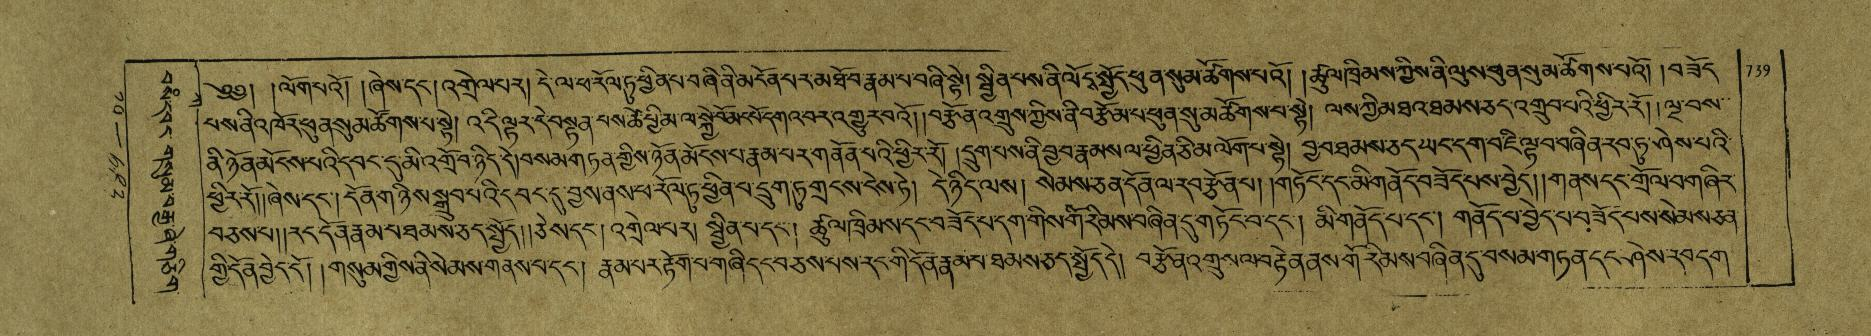༄༅། །ལོག་པའོ། །ཞེས་དང་། འགྲེལ་པར། དེ་ལ་ཕ་རོལ་ཏུ་ཕྱིན་པ་བཞི་ནི་མངོན་པར་མཐོ་བ་རྣམ་པ་བཞི་སྟེ། སྦྱིན་པས་ནི་ལོངས་སྤྱོད་ཕུན་སུམ་ཚོགས་པའོ། །ཚུལ་ཁྲིམས་ཀྱིས་ནི་ལུས་ཕུན་སུམ་ཚོགས་པའོ། །བཟོད་
པས་ནི་འཁོར་ཕུན་སུམ་ཚོགས་པ་སྟེ། འདི་ལྟར་དེ་བསྟན་པས་ཚེ་ཕྱི་མ་ལ་སྐྱེ་བོ་མང་པོ་དགའ་བར་འགྱུར་བའོ། །བརྩོན་འགྲུས་ཀྱིས་ནི་བརྩོམ་པ་ཕུན་སུམ་ཚོགས་པ་སྟེ། ལས་ཀྱི་མཐའ་ཐམས་ཅད་འགྲུབ་པའི་ཕྱིར་རོ། །ལྔ་བས་
ནི་ཉོན་མོངས་པའི་དབང་དུ་མི་འགྲོ་བ་ཉིད་དེ། བསམ་གཏན་གྱིས་ཉོན་མོངས་པ་རྣམ་པར་གནོན་པའི་ཕྱིར་རོ། །དྲུག་པས་ནི་བྱ་བ་རྣམས་ལ་ཕྱིན་ཅི་མ་ལོག་པ་སྟེ། བྱ་བ་ཐམས་ཅད་ཡང་དག་བ་ཇི་ལྟ་བ་བཞིན་རབ་ཏུ་ཤེས་པའི་
ཕྱིར་རོ། །ཞེས་དང་། དོན་གཉིས་སྒྲུབ་པའི་དབང་དུ་བྱས་ནས་ཕ་རོལ་ཏུ་ཕྱིན་པ་དྲུག་ཏུ་གྲངས་ངེས་ཏེ། དེ་ཉིད་ལས། སེམས་ཅན་དོན་ལ་རབ་རྩོན་པ། །གཏོང་དང་མི་གནོད་བཟོད་པས་བྱེད། །གནས་དང་གྲོལ་བ་གཞིར་
བཅས་པ། །རང་དོན་རྣམ་པ་ཐམས་ཅད་སྤྱོད། །ཅེས་དང་། འགྲེལ་པར། སྦྱིན་པ་དང་། ཚུལ་ཁྲིམས་དང་བཟོད་པ་དག་གིས་གོ་རིམས་བཞིན་དུ་གཏོང་བ་དང་། མི་གནོད་པ་དང་། གནོད་པ་བྱེད་པ་བཟོད་པས་སེམས་ཅན་
གྱི་དོན་བྱེད་དོ། །གསུམ་གྱིས་ནི་སེམས་གནས་པ་དང་། རྣམ་པར་རྟོག་པ་གཞི་དང་བཅས་པས་རང་གི་དོན་རྣམ་པ་ཐམས་ཅད་སྤྱོད་དེ། བརྩོན་འགྲུས་ལ་བརྟེན་ནས་གོ་རིམས་བཞིན་དུ་བསམ་གཏན་དང་ཤེས་རབ་དག་